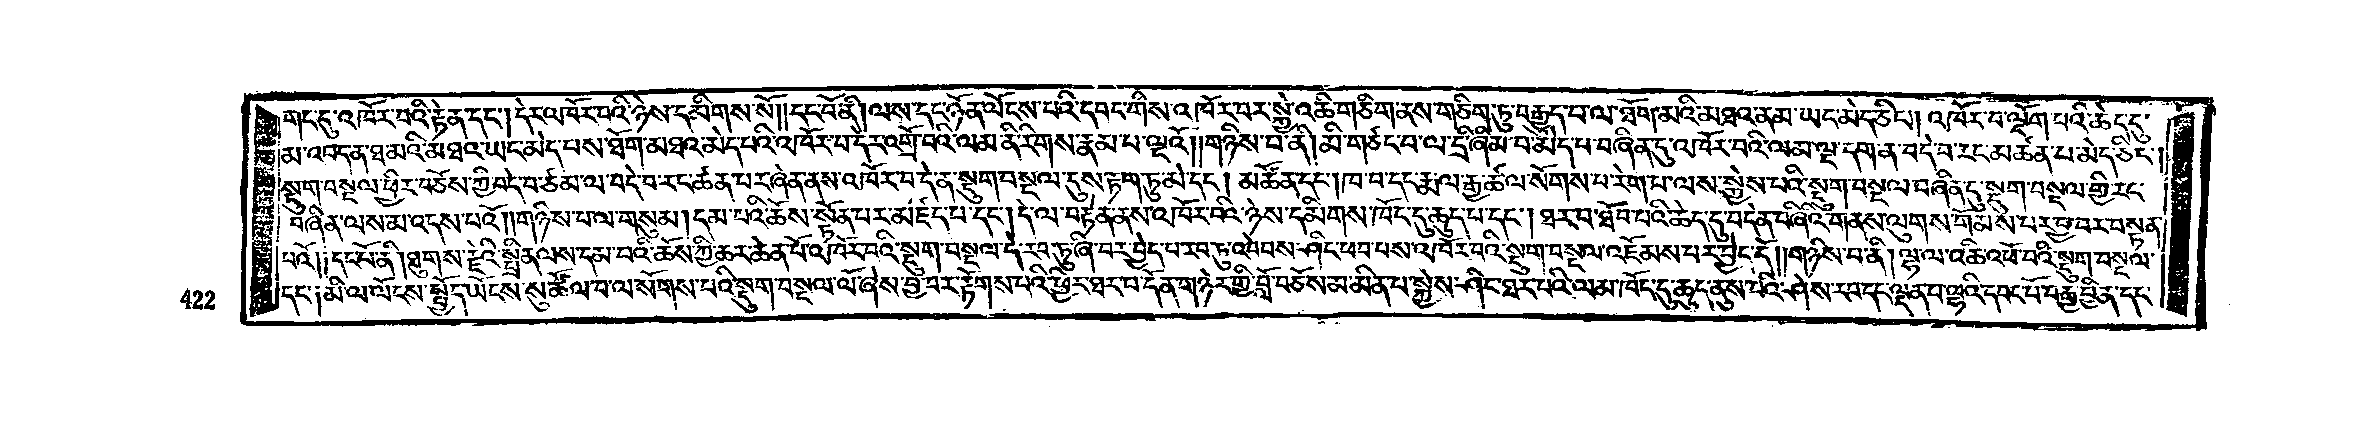གང་དུ་འཁོར་བའི་རྟེན་དང་། དེར་འཁོར་བའི་ཉེས་དམིགས་སོ། །དང་པོ་ནི། ལས་དང་ཉོན་ལོངས་པའི་དབང་གིས་འཁོར་བར་སྐྱེ་འཆི་གཅིག་ནས་གཅིག་ཏུ་བརྒྱུད་པ་ལ་ཐོག་མའི་མཐའ་ནམ་ཡང་མེད་ཅིང་། འཁོར་བ་ལྡོག་པའི་ཆེད་དུ་
མ་འབད་ན་ཐ་མའི་མཐའ་ཡང་མེད་པས་ཐོག་མཐའ་མེད་པའི་འཁོར་བ་དེར་འགྲོ་བའི་ལམ་ནི་རིགས་རྣམ་པ་ལྔའོ། །གཉིས་པ་ནི། མི་གཙང་བ་ལ་དྲི་ཞིམ་པ་མེད་པ་བཞིན་དུ་འཁོར་བའི་ལམ་ལྔ་དག་ན་བདེ་བ་རང་མཚན་པ་མེད་ཅིང་།
སྡུག་བསྔལ་ཕྱིར་བཅོས་ཀྱི་བདེ་བ་ཙམ་ལ་བདེ་བ་རང་ཚན་པར་ཞེན་ནས་འཁོར་བ་དེ་ན་སྡུག་བསྔལ་དུས་རྟག་ཏུ་མེ་དང་། མཚོན་དང་། ཁ་བ་དང་རྨ་ལ་རྒྱ་ཚ་ལ་སོགས་པ་རེག་པ་ལས་སྐྱེས་པའི་སྡུག་བསྔལ་བཞིན་དུ་སྡུག་བསྔལ་གྱི་རང་
བཞིན་ལས་མ་འདས་པའོ། །གཉིས་པ་ལ་གསུམ། དམ་པའི་ཆོས་སྟོན་པར་མཛད་པ་དང་། དེ་ལ་བརྟེན་ནས་འཁོར་བའི་ཉེས་དམིགས་ཁོང་དུ་ཆུད་པ་དང་། ཐར་བ་ཐོབ་པའི་ཆེད་དུ་བདེན་བཞིའི་གནས་ལུགས་གོམས་པར་བྱ་བར་བསྟན་
པའོ། །དང་པོ་ནི། ཐུགས་རྗེའི་སྤྲིན་ལས་དམ་པའི་ཆོས་ཀྱི་ཆར་ཆེན་པོ་འཁོར་བའི་སྡུག་བསྔལ་དེ་རབ་ཏུ་ཞི་བར་བྱེད་པ་རབ་ཏུ་འབེབས་ཤིང་ཕབ་པས་འཁོར་བའི་སྡུག་བསྔལ་འཇོམས་པར་བྱེད་དོ། །གཉིས་པ་ནི། ལྷ་ལ་འཆི་འཕོ་བའི་སྡུག་བསྔལ་
དང་། མི་ལ་ལོངས་སྤྱོད་ཡོངས་སུ་ཚོལ་བ་ལ་སོགས་པའི་སྡུག་བསྔལ་ལོ་ཞེས་བྱ་བར་རྟོགས་པའི་ཕྱིར་ཐར་པ་དོན་གཉེར་གྱི་བློ་བཅོས་མ་མིན་པ་སྐྱེས་ཤིང་ཐར་བའི་ལམ་ཁོང་དུ་ཆུད་ནུས་པའི་ཤེས་རབ་དང་ལྡན་པ་ལྷའི་དབང་པོ་བརྒྱ་བྱིན་དང་